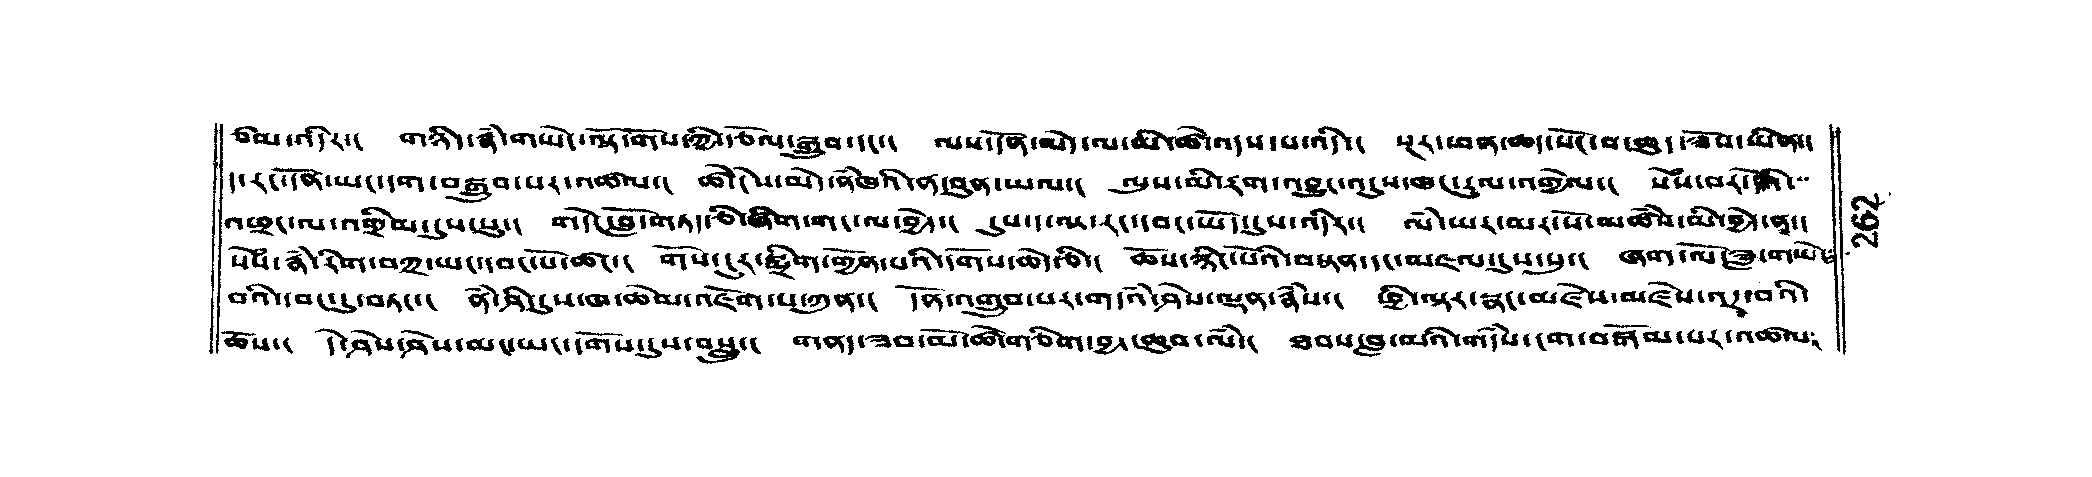ཙམ་འདིར། །གཉིད་རྣམ་གཡེང་ལྟོ་གོས་ཀྱི་རྩོལ་སྒྲུབ་དང་། །ལས་དོན་མེད་ལ་མི་ཚེ་འདས་པ་འདི། །སྔར་ཕན་ཆད་སོང་བ་ཆུད་ཟོས་ཡིན། །
ད་རང་དོན་ཡང་དག་བསྒྲུབ་པར་འཚལ། །ཚེ་ངེས་མེད་ནམ་མཁའི་ན་བུན་ཡལ། །ལུས་མི་རྟག་འབྱུང་འདུས་ཁང་རུལ་འགྱེལ། །སེམས་བར་དོའི་
འཕྲང་ལ་འགྲིམ་དུས་སུ། །གདེང་བློ་གཏད་ཅི་ཞིག་གང་ལ་བྱེད། །དུས་ད་ལྟ་རང་དབང་ཡོད་དུས་འདིར། །ལམ་ཡར་མར་སོ་མཚམས་མི་བྱེད་ན། །
སེམས་རྣམ་རིག་བཀྲ་ཡང་དབང་པོ་ཚང་། །གོས་ངུར་སྨྲིག་གྱོན་པའི་དགོས་ཆེད་ཅི། །ཆོས་སྙིང་པོའི་བསྟན་དང་མཇལ་དུས་སུ། །ཞག་ལོ་ཟླ་གཡེང་
བའི་དབང་དུ་བཏང་། །ནམ་ཤི་དུས་ཁ་ཆེམས་འཇོག་པ་ཀུན། །དོན་འགྲུབ་པར་གདའ་འམ་ཤེས་ལྡན་རྣམས། །ཕྱི་ལྟར་སྣང་མཛེས་མཛེས་འདྲ་བའི་
ཆོས། །དེ་ཤེས་ཤེས་མང་ཡང་དགོས་དུས་བསླུ། །གནད་ཟབ་མོ་ཚེ་གཅིག་བྱང་ཆུབ་ལམ། །ཐབས་བླ་མའི་གདམས་ངག་བསྒོམ་པར་འཚལ།